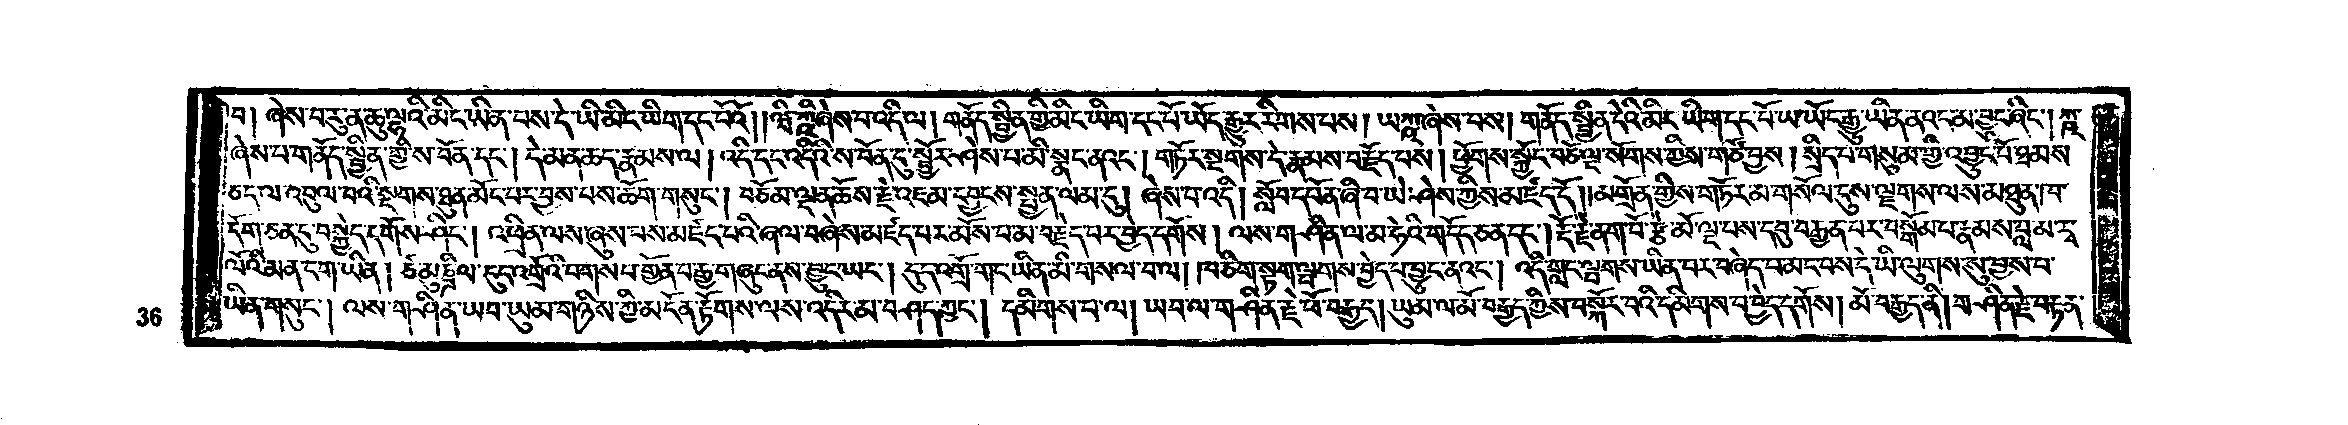བ། ཞེས་པ་རུ་ན་ཆུ་ལྷའི་མིང་ཡིན་པས་དེ་ཡི་མིང་ཡིག་དང་པོའོ། །ཝི་ཀྵི་ཞེས་པ་འདི་ལ། གནོད་སྦྱིན་གྱི་མིང་ཡིག་དང་པོ་ཡོད་རྒྱུར་རིགས་པས། ཡཀྵ་ཞེས་པས། གནོད་སྦྱིན་དེའི་མིང་ཡིག་དང་པོ་ཡ་ཡོང་རྒྱུ་ཡིན་ནའང་མ་བྱུང་ཞིང་། ཀྵ་
ཞེས་པ་གནོད་སྦྱིན་གྱི་ས་བོན་དང་། དེ་མན་ཆད་རྣམས་ལ། འདི་དང་འདིའི་ས་བོན་དུ་སྦྱོར་ཤེས་པ་མི་སྣང་ནའང་། གཏོར་སྔགས་དེ་རྣམས་བརྗོད་པས། ཕྱོགས་སྐྱོང་བཅོ་ལྔ་སོགས་ཀྱིས་གཙོ་བྱས། སྲིད་པ་གསུམ་གྱི་འབྱུང་པོ་ཐམས་
ཅད་ལ་འབུལ་བའི་སྔགས་ཐུན་མོང་པར་བྱས་པས་ཆོག་གསུང་། བཅོམ་ལྡན་ཆོས་རྗེ་འཇམ་དབྱངས་སྤྱན་ལམ་དུ། ཞེས་པ་འདི། སློབ་དཔོན་ཞི་བ་ཡེ་ཤེས་ཀྱིས་མཛད་དོ། །མགྲོན་གྱིས་གཏོར་མ་གསོལ་དུས་ལྗགས་ལས་མཐུན་ཁ་
དོག་ཅན་དུ་བསྐྱེད་དགོས་ཤིང་། འཕྲིན་ལས་ཞུས་པས་མཛད་པའི་ཞལ་བཞེས་མཛད་པར་མོས་པ་མ་བརྗེད་པར་བྱེད་དགོས། ལས་གཤིན་ལ་མ་ཧེའི་གདོད་ཅན་དང་། རྡོ་རྗེ་ནག་པོ་རྩེ་མོ་ལྔ་པས་དབུ་བརྒྱན་པར་བསྒོམ་པ་རྣམས་བླ་མ་རྭ་
ལོའི་མན་ངག་ཡིན། ཙ་མུཎྜིལ་དུང་འགྲོའི་པགས་པ་གྱོན་པ་རྒྱ་གཞུང་ནས་བྱུང་ཡང་། དུད་འགྲོ་གང་ཡིན་མི་གསལ་བ་ལ། ཁ་ཅིག་སྟག་ལྤགས་བྱེད་པ་བྱུང་ནའང་། འདི་གླང་ལྤགས་ཡིན་པར་བཞེད་པ་མང་བས་དེ་ཡི་ལུགས་སུ་བྱས་པ་
ཡིན་གསུང་། ལས་གཤིན་ཡབ་ཡུམ་གཉིས་ཀྱི་མངོན་རྟོགས་ལས་འདིར་མ་བཤད་ཀྱང་། དམིགས་པ་ལ། ཡབ་ལ་གཤིན་རྗེ་ཕོ་བརྒྱད། ཡུམ་ལ་མོ་བརྒྱད་ཀྱིས་བསྐོར་བའི་དམིགས་པ་བྱེད་དགོས། མོ་བརྒྱད་ནི། གཤིན་རྗེ་བརྟན་